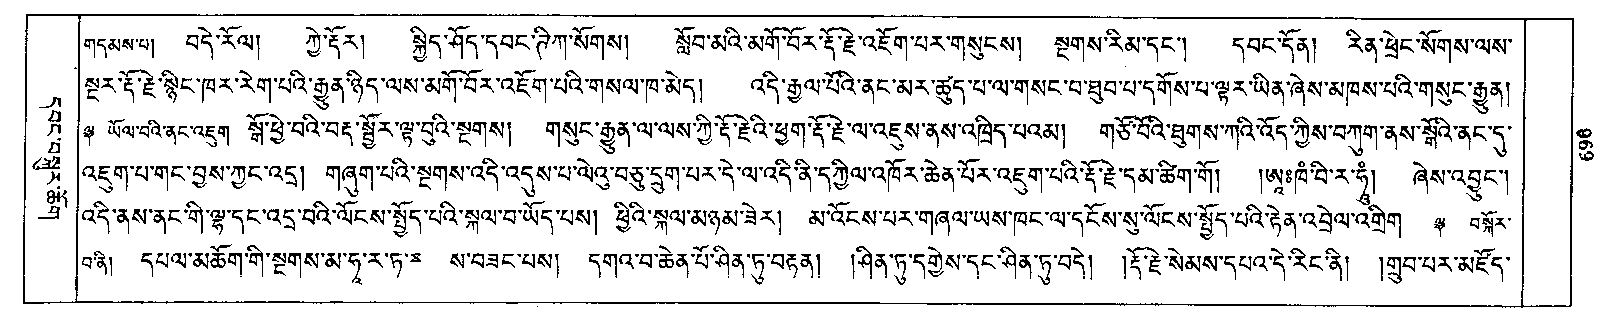གདམས་པ། བདེ་རོལ། ཀྱེ་རྡོར། སྐྱིད་ཤོད་དབང་ཊིཀ་སོགས། སློབ་མའི་མགོ་བོར་རྡོ་རྗེ་འཇོག་པར་གསུངས། སྔགས་རིམ་དང་། དབང་དོན། རིན་ཕྲེང་སོགས་ལས་
སྔར་རྡོ་རྗེ་སྙིང་ཁར་རེག་པའི་རྒྱུན་ཉིད་ལས་མགོ་བོར་འཇོག་པའི་གསལ་ཁ་མེད། འདི་རྒྱལ་པོའི་ནང་མར་ཚུད་པ་ལ་གསང་བ་ཐུབ་པ་དགོས་པ་ལྟར་ཡིན་ཞེས་མཁས་པའི་གསུང་རྒྱུན།
༈ ཡོལ་བའི་ནང་འཇུག་སྒོ་ཕྱེ་བའི་བརྡ་སྦྱོར་ལྟ་བུའི་སྔགས། གསུང་རྒྱུན་ལ་ལས་ཀྱི་རྡོ་རྗེའི་ཕྱག་རྡོ་རྗེ་ལ་འཇུས་ནས་འཁྲིད་པའམ། གཙོ་བོའི་ཐུགས་ཀའི་འོད་ཀྱིས་བཀུག་ནས་སྒོའི་ནང་དུ་
འཇུག་པ་གང་བྱས་ཀྱང་འདྲ། གཞུག་པའི་སྔགས་འདི་འདུས་པ་ལེའུ་བཅུ་དྲུག་པར་དེ་ལ་འདི་ནི་དཀྱིལ་འཁོར་ཆེན་པོར་འཇུག་པའི་རྡོ་རྗེ་དམ་ཚིག་གོ། །ཨཱཿ ཁཾ་བི་ར་ཧཱུཾ། ཞེས་འབྱུང་།
འདི་ནས་ནང་གི་ལྷ་དང་འདྲ་བའི་ལོངས་སྤྱོད་པའི་སྐལ་བ་ཡོད་པས། ཕྱིའི་སྐལ་མཉམ་ཟེར། མ་འོངས་པར་གཞལ་ཡས་ཁང་ལ་དངོས་སུ་ལོངས་སྤྱོད་པའི་རྟེན་འབྲེལ་འགྲིག ༈ བསྐོར་
བ་ནི། དཔལ་མཆོག་གི་སྔགས་མ་ཧཱ་ར་ཏ་྾་ས་བཟང་པས། དགའ་བ་ཆེན་པོ་ཤིན་ཏུ་བརྟན། །ཤིན་ཏུ་དགྱེས་དང་ཤིན་ཏུ་བདེ། །རྡོ་རྗེ་སེམས་དཔའ་དེ་རིང་ནི། །གྲུབ་པར་མཛོད་